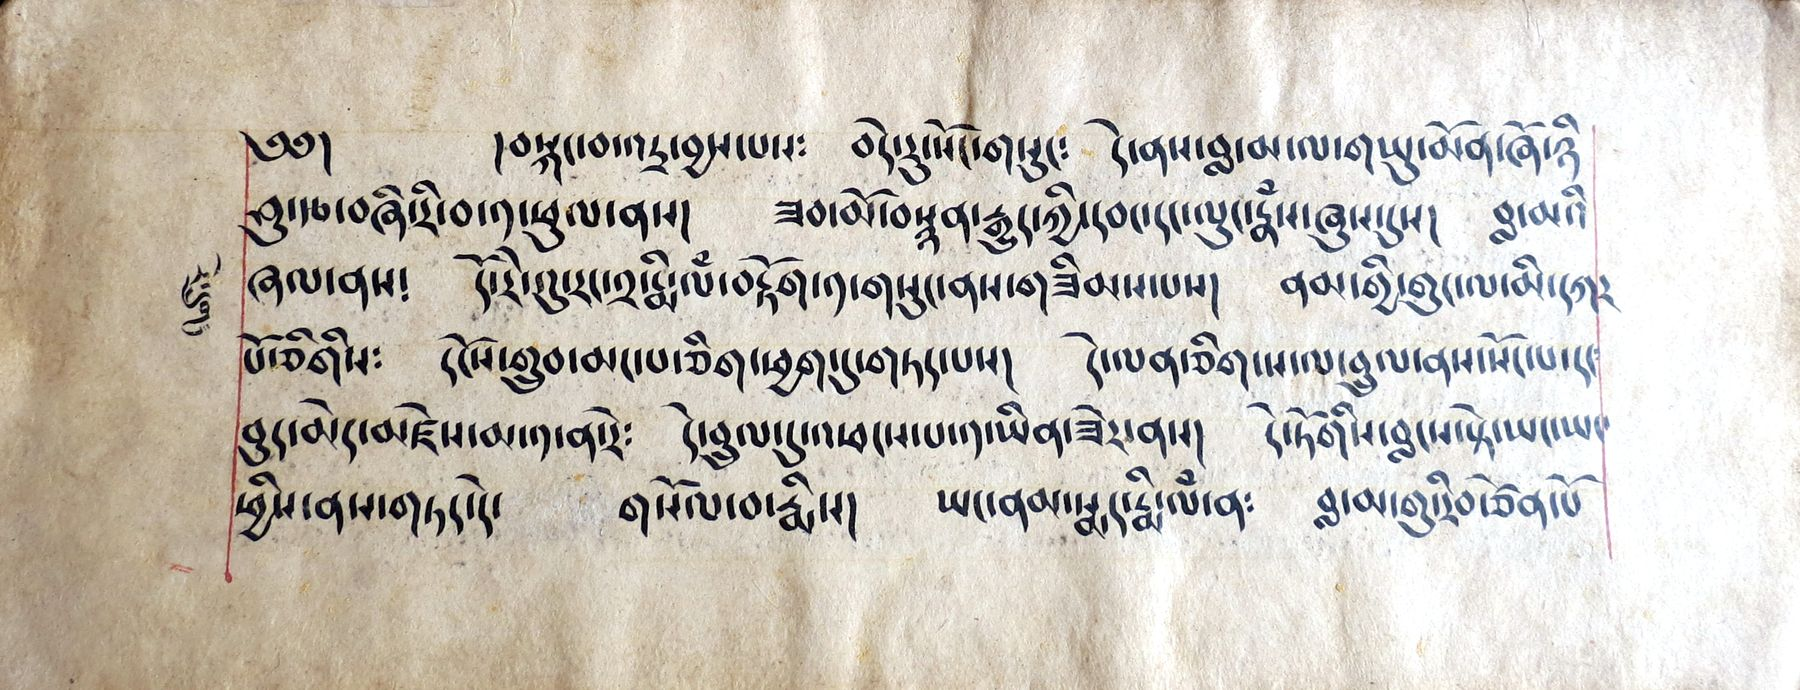བསྐང་བ་འདྲ་བྱས་པས་བདེ་རུ་སོང་གསུངས། དེ་ནས་བླ་མ་ལ་གཡུ་མོན་ཞོ་ཉི་
ཤུ་རྩ་བཞི་རི་བ་ཞིག་ཕུལ་ནས། ཟབ་མོ་སྙན་རྒྱུད་ཀྱི་དབང་དང་ལུང་རྣམས་ཞུས་དུས། བླ་མའི་
ཞལ་ནས་དེ་རི་འུ་རང་གཉིས་རྨི་ལམ་བརྟོག་ཅིག་གསུངས་ནས་གཟིམས་པས། ནམ་གྱི་གུང་ལ་མི་དཀར་
པོ་ཅིག་གིས། དངོས་གྲུབ་མང་བ་ཅིག་ཕྱག་ཏུ་གཏད་པས། དེ་ལན་གཅིག་ས་ལ་བྲུལ་ནས་སོང་བ་དང་། 
བུད་མེད་མཛེས་མ་གཅིག་ན་རེ། དེ་བྲུལ་དུ་ཕངས་པ་ཞིག་ཡིན་ཟེར་ནས། དེ་ཏོག་གིས་བླངས་ཏེ་ཡང་ཡང་
ཕྱིས་ནས་གཏད་དེ་གསོལ་བ་རྨིས། ཡང་ནམ་སྨད་རྨི་ལམ་ན། བླ་མ་གུ་རིབ་ཙེན་པོ་